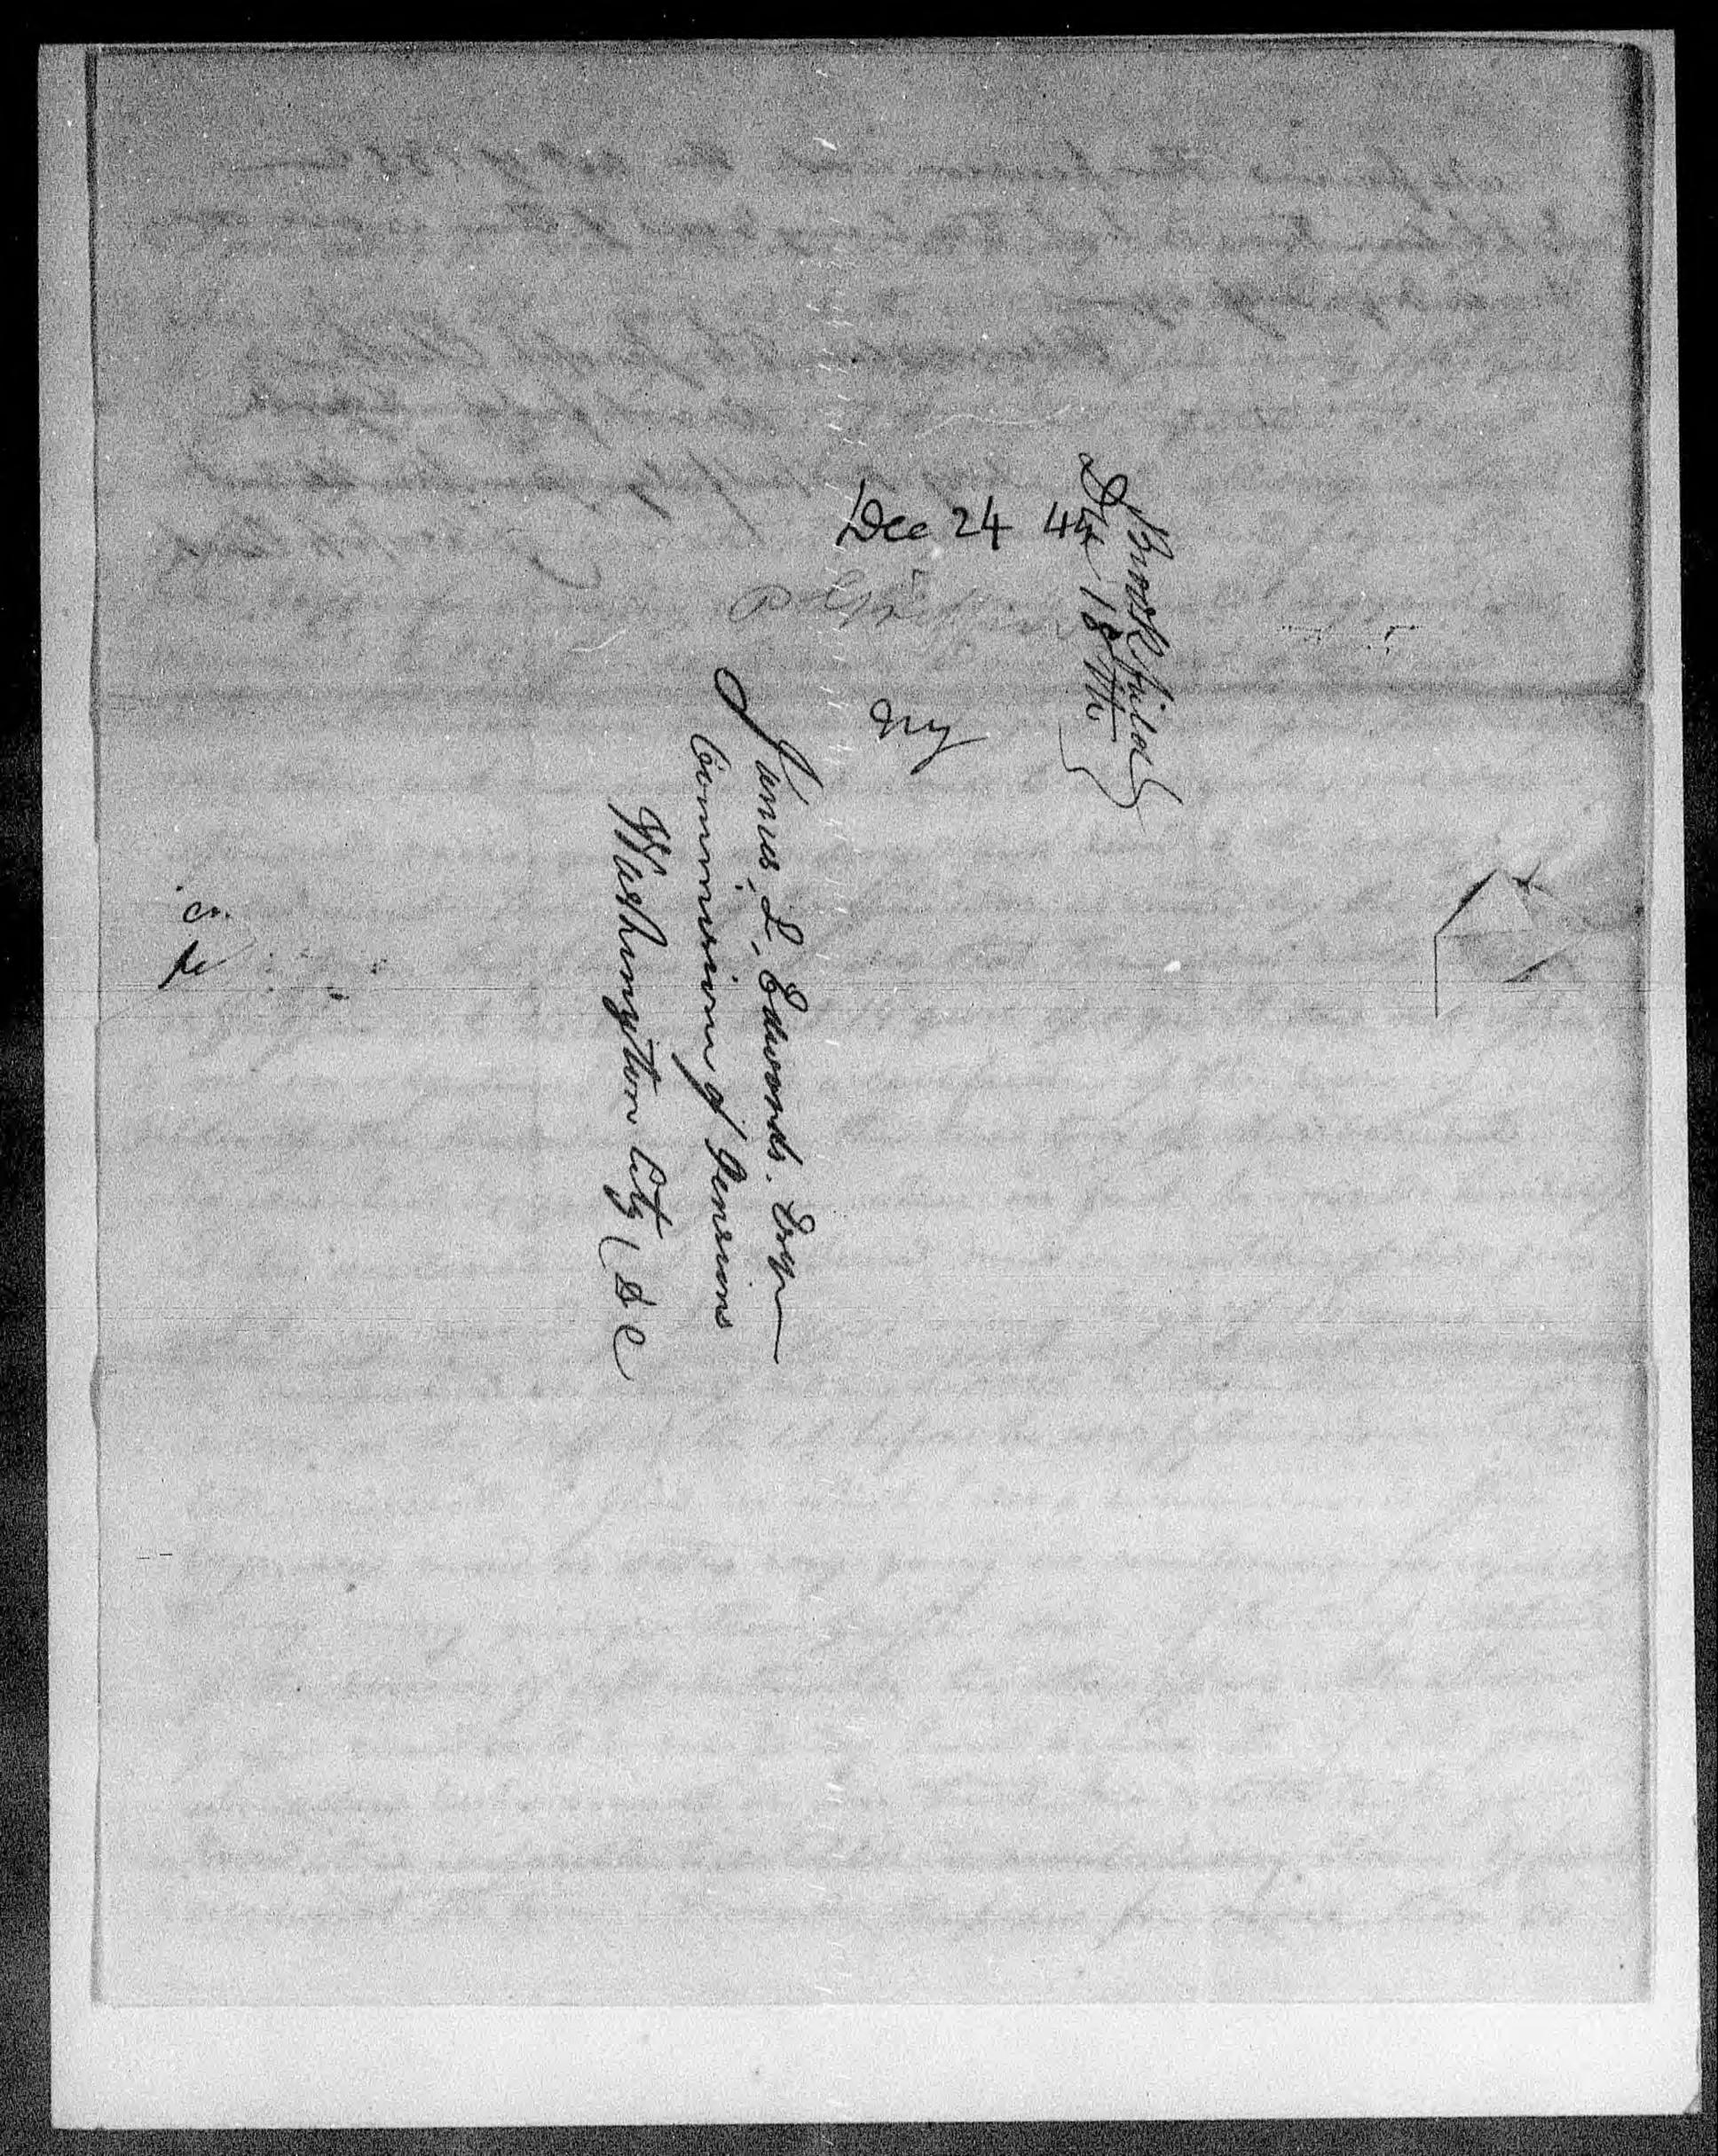Brookfield Dec 18th
Dec 24 44
P Griffin
NY
James L. Edwards, Esq
Commissioner of Pensions
Washington City, D C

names: P Griffin, James L Edwards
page: 25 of 60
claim: widow's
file: W. 19,537, Thomas Griffin, Conn.